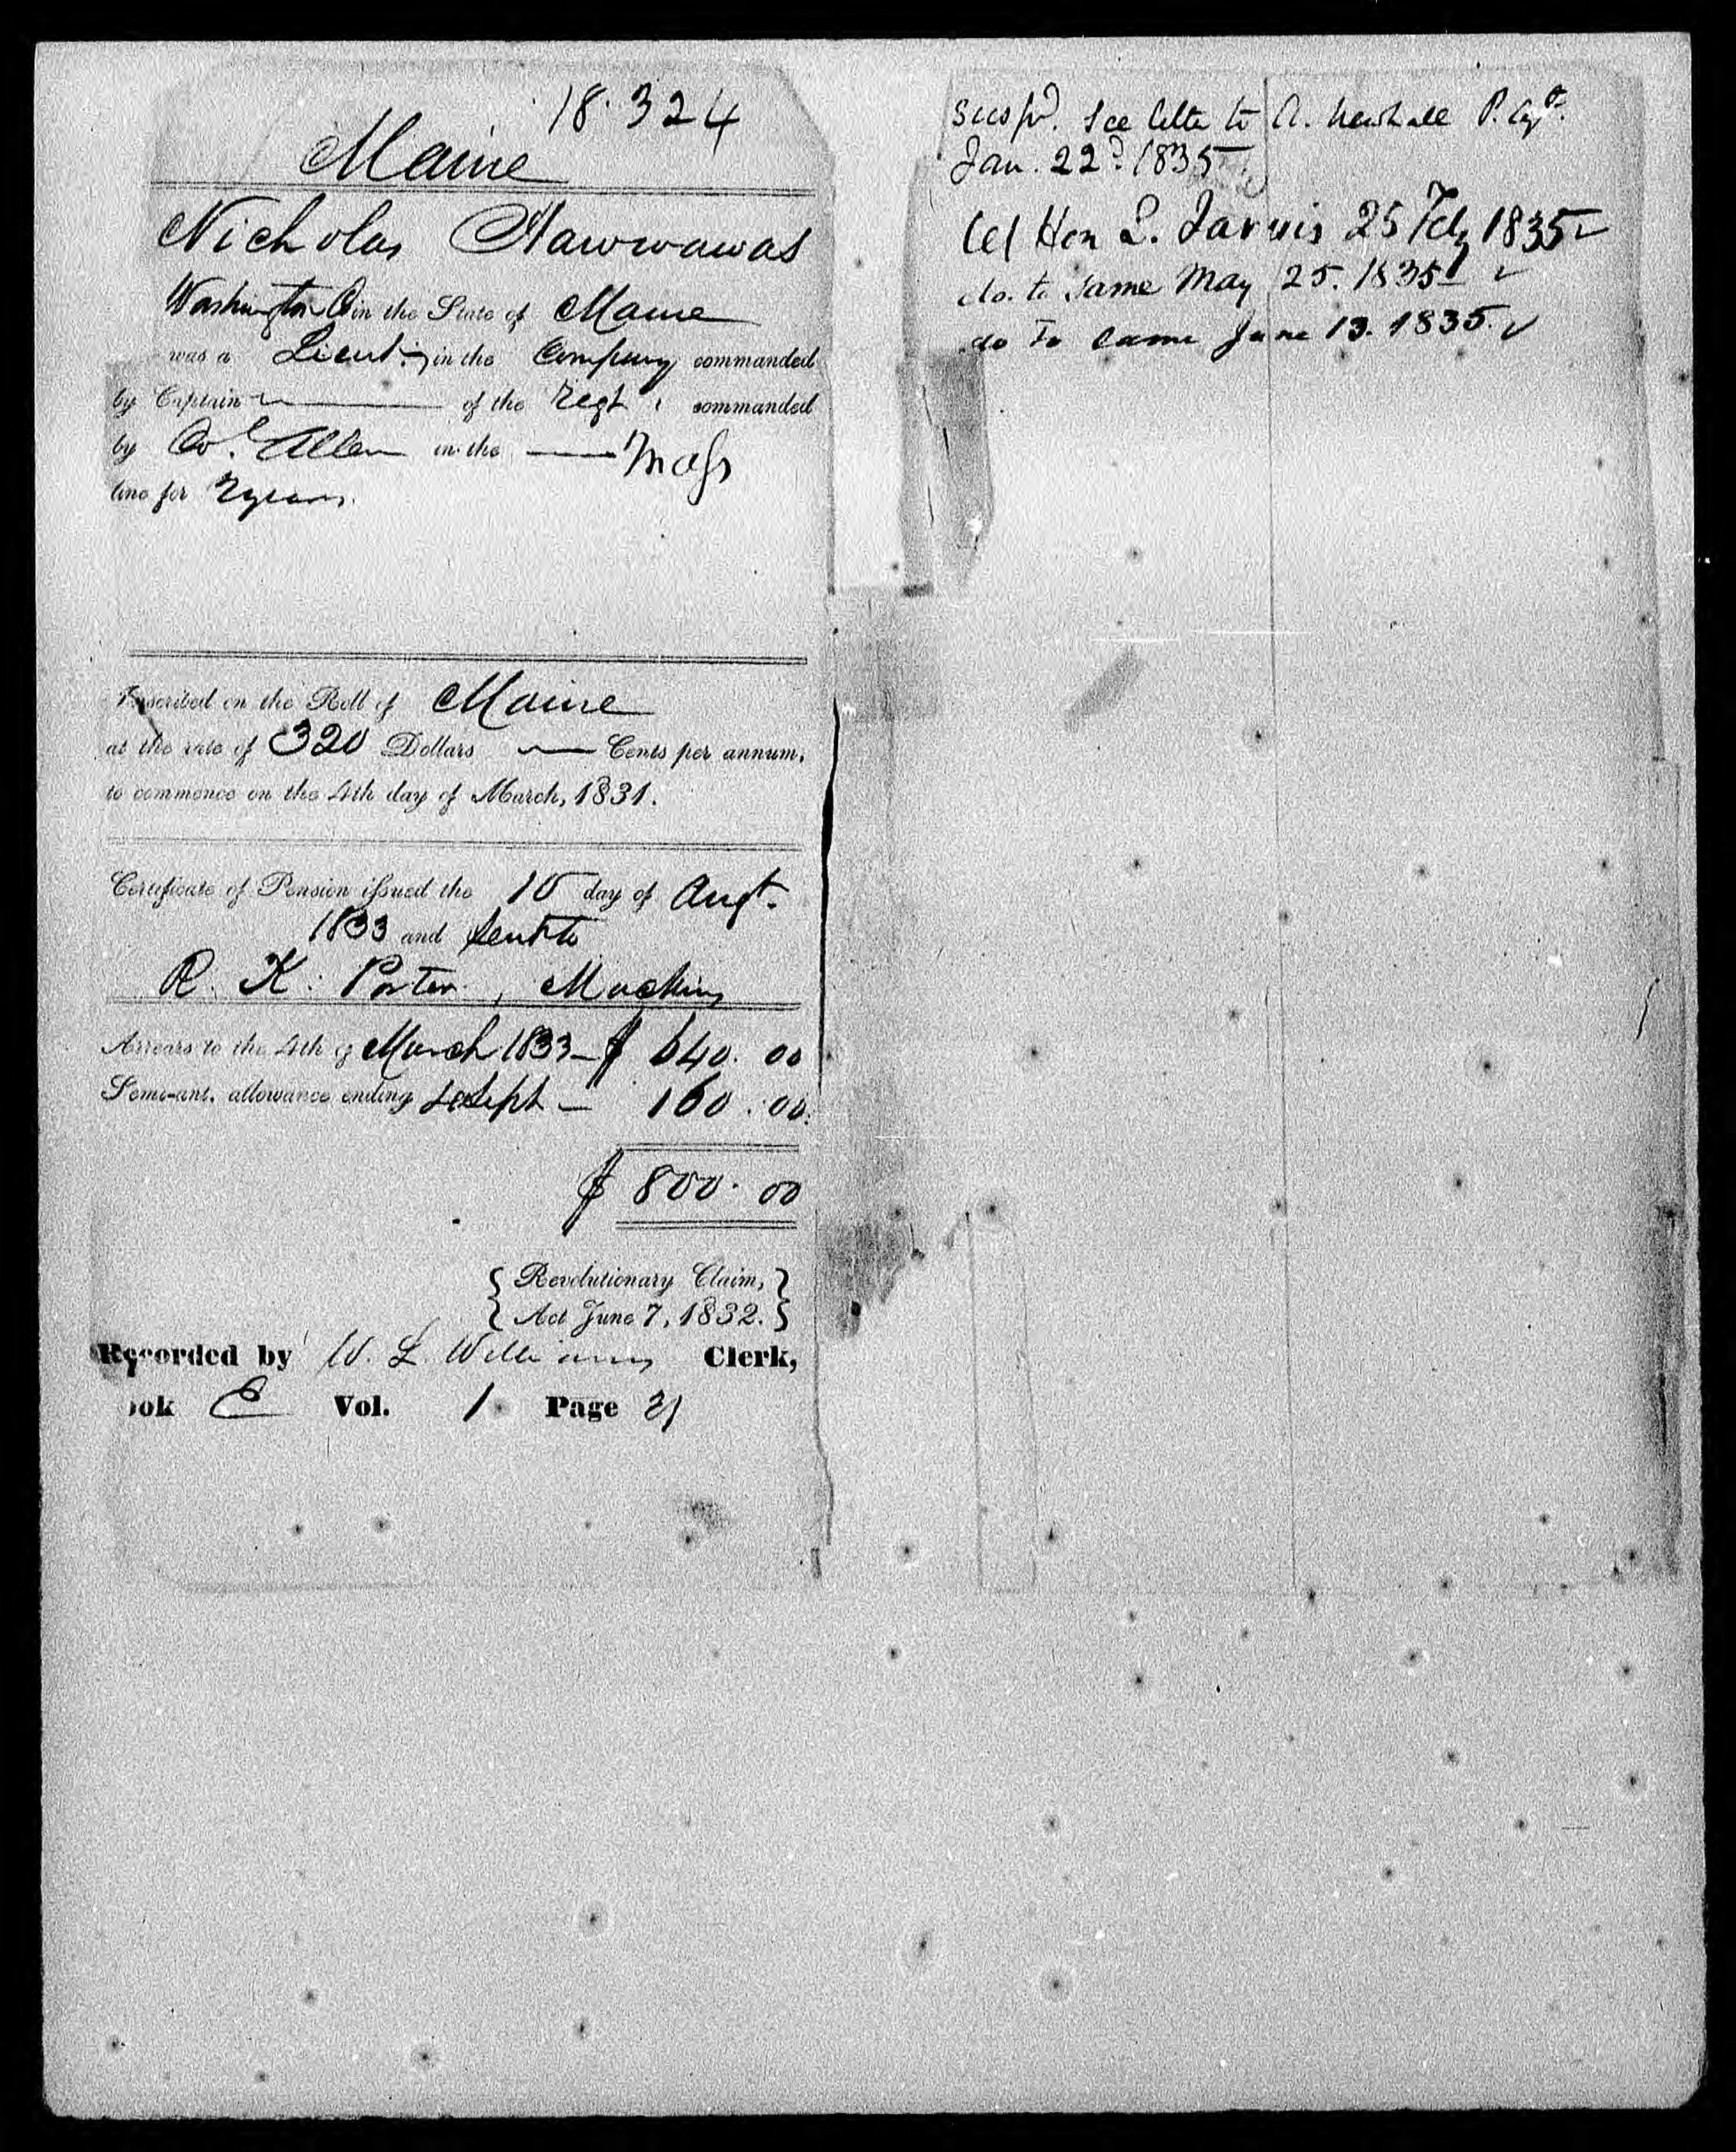18.324
Maine
Nicholas Hawwawas
Washington-Co in the State of Maine was a Lieut. in the Company commanded by Captain [blank] of the regt. commanded by Col. Allen in the [blank] Mass line for 2 ys.
Inscribed on the Roll of Maine at the rate of 320 Dollars [blank] Cents per annum, to commence on the 4th day of March, 1831.
Certificate of Pension issued the 10 day of Augt. 1833 and sent to  R. K. Porter. M[illegible]
Arrears to the 4th of March 1833-$ 640.00
Semi-ant. allowance ending 4 Sept - 160.00.
$800.00
{Revolutionary Claim, Act June 7, 1832}
Recorded by W. L. Williams Clerk, 00k E Vol. 1. Page 21
Scco fw. Ice Cutter to A. Newhall P. [illegible] Jan. 22?1835
Col Hon L. Jaruis 23 25 Feby 1835 [check mark]
do to same May 25. 1835-[check mark]
do to same June 13. 1835 [check mark]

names: A Newhall, L Jarvis, W L Williams, Allen, Nicholas Hawwawas, R K Porter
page: 2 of 52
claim: survivor's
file: S 17997, Nicholas Hawwawas, Mass.